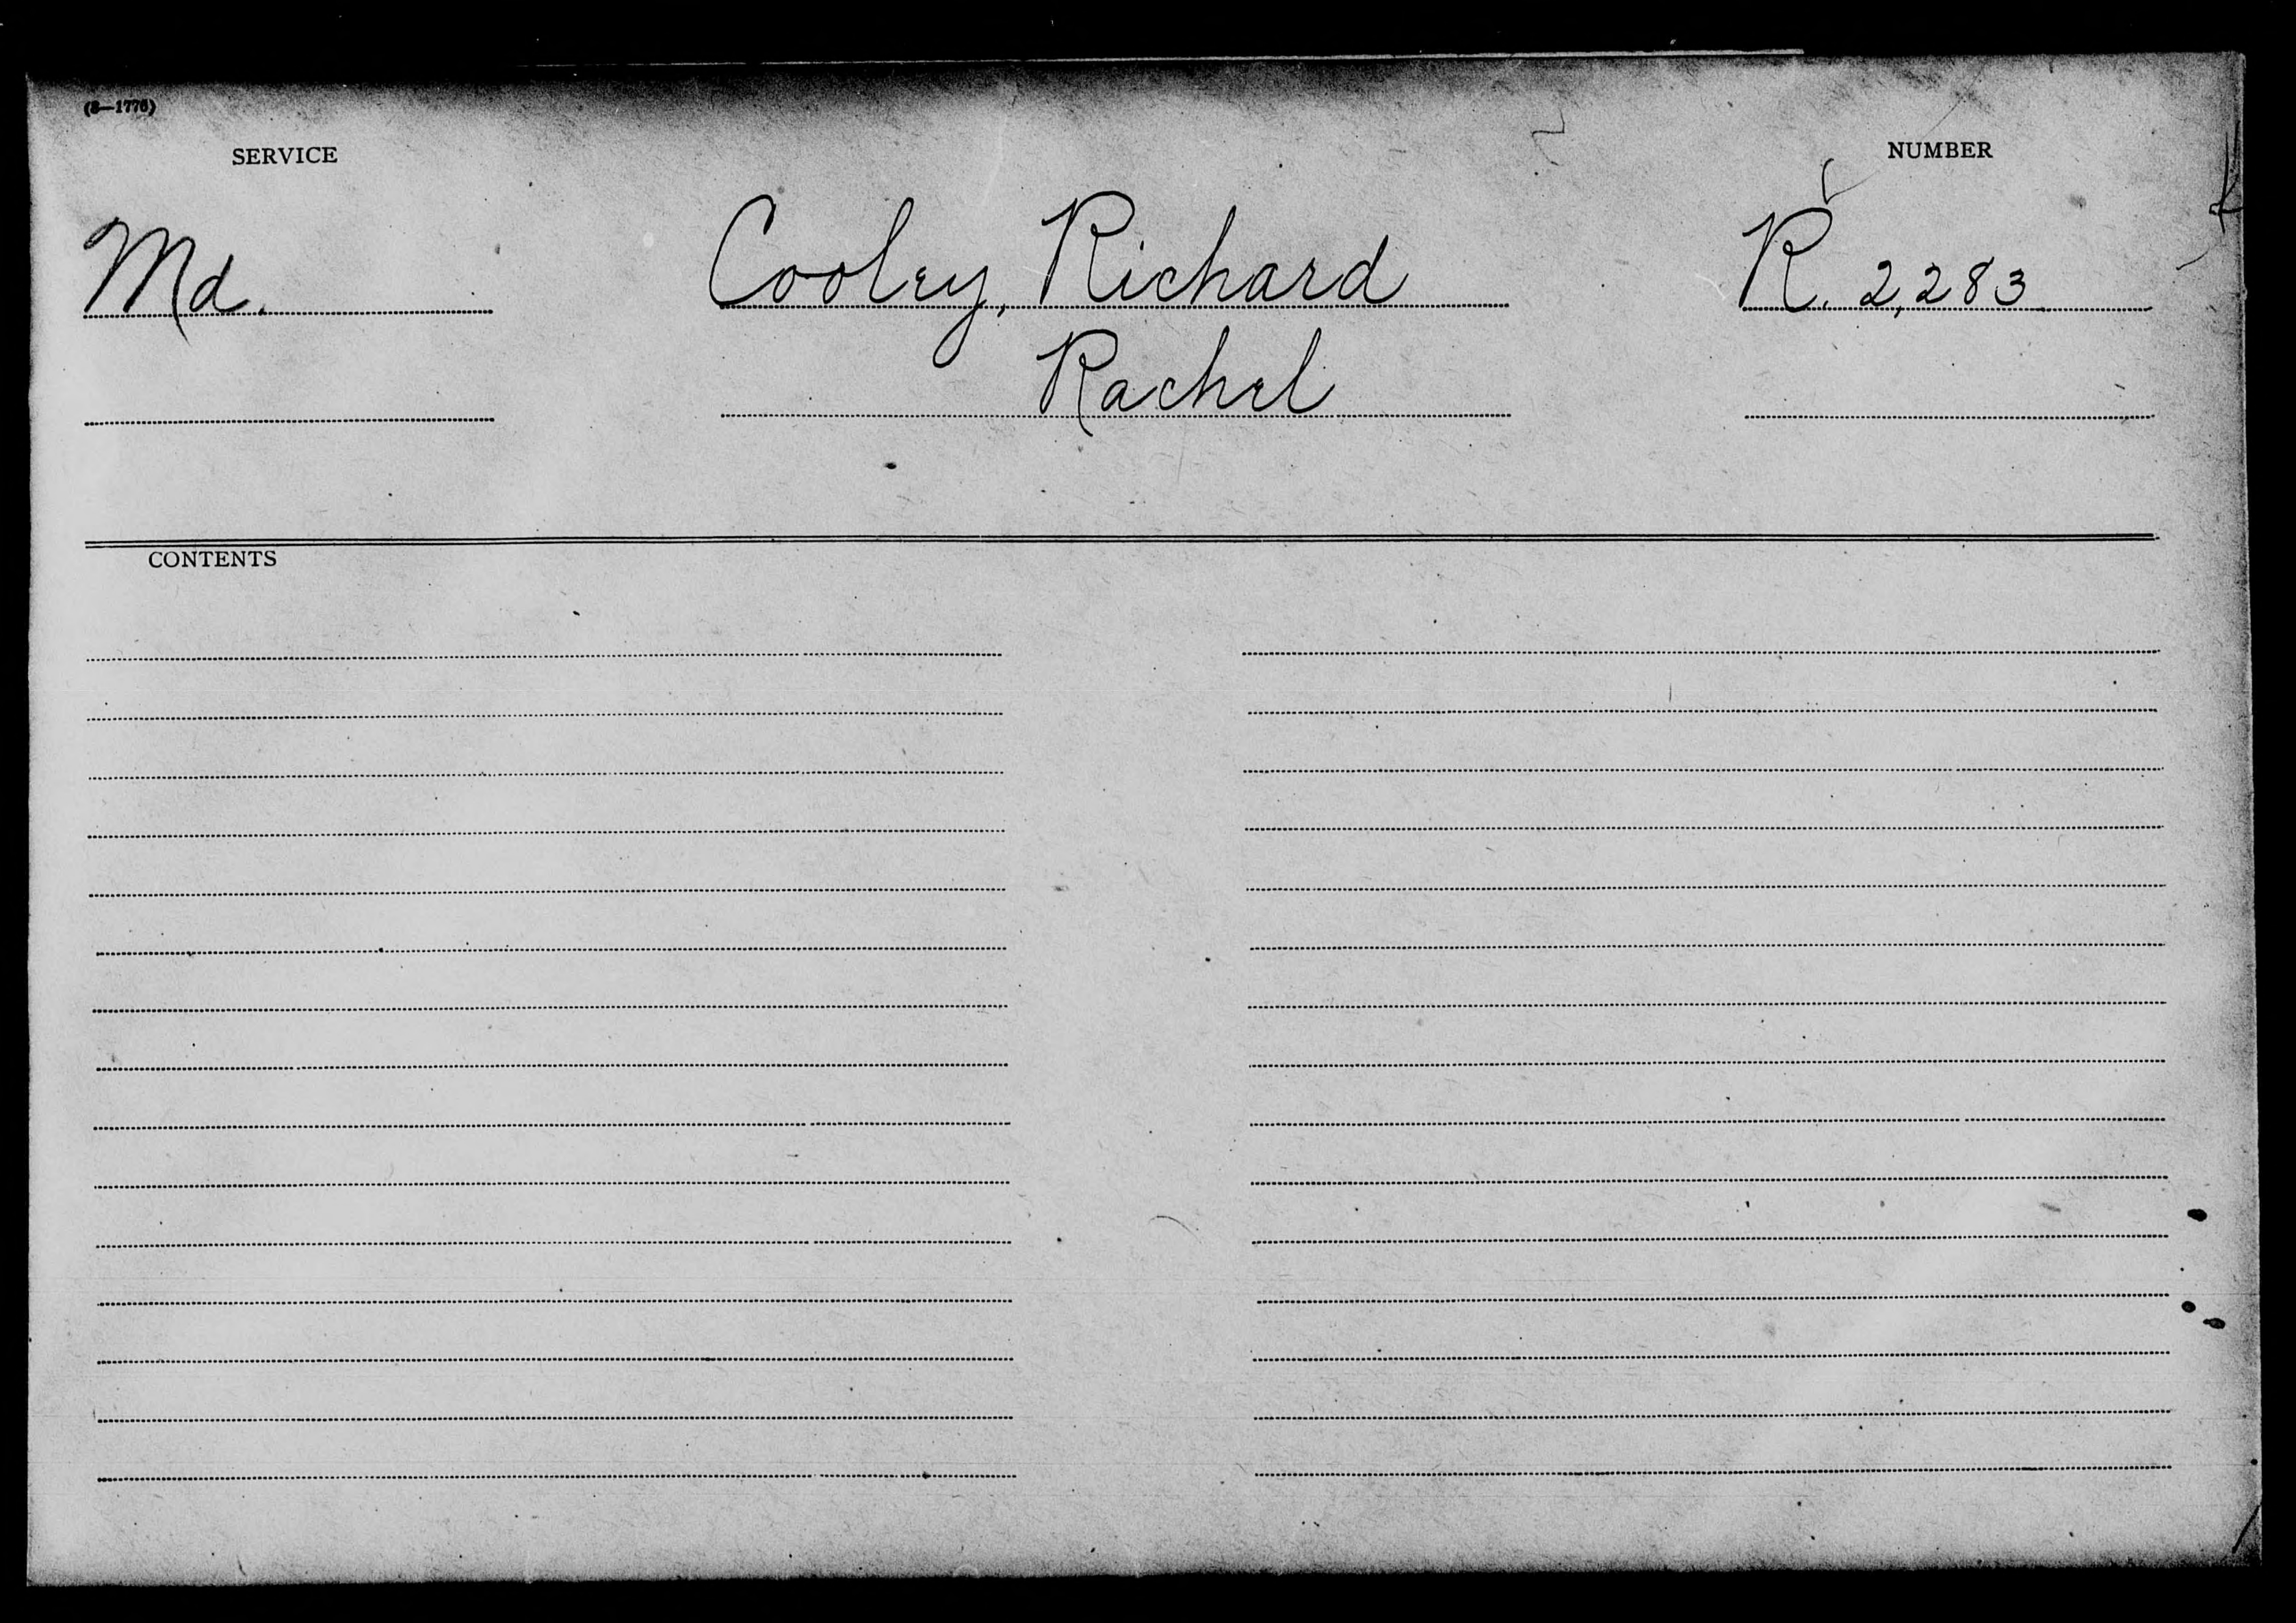[ printed form]
(8-1776)
SERVICE   
Md.  Cooley, Richard    NUMBER R 2,283
[Cooley] Rachel

CONTENTS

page: 1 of 19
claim: rejected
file: R. 2,283, Richard Cooley, Md.